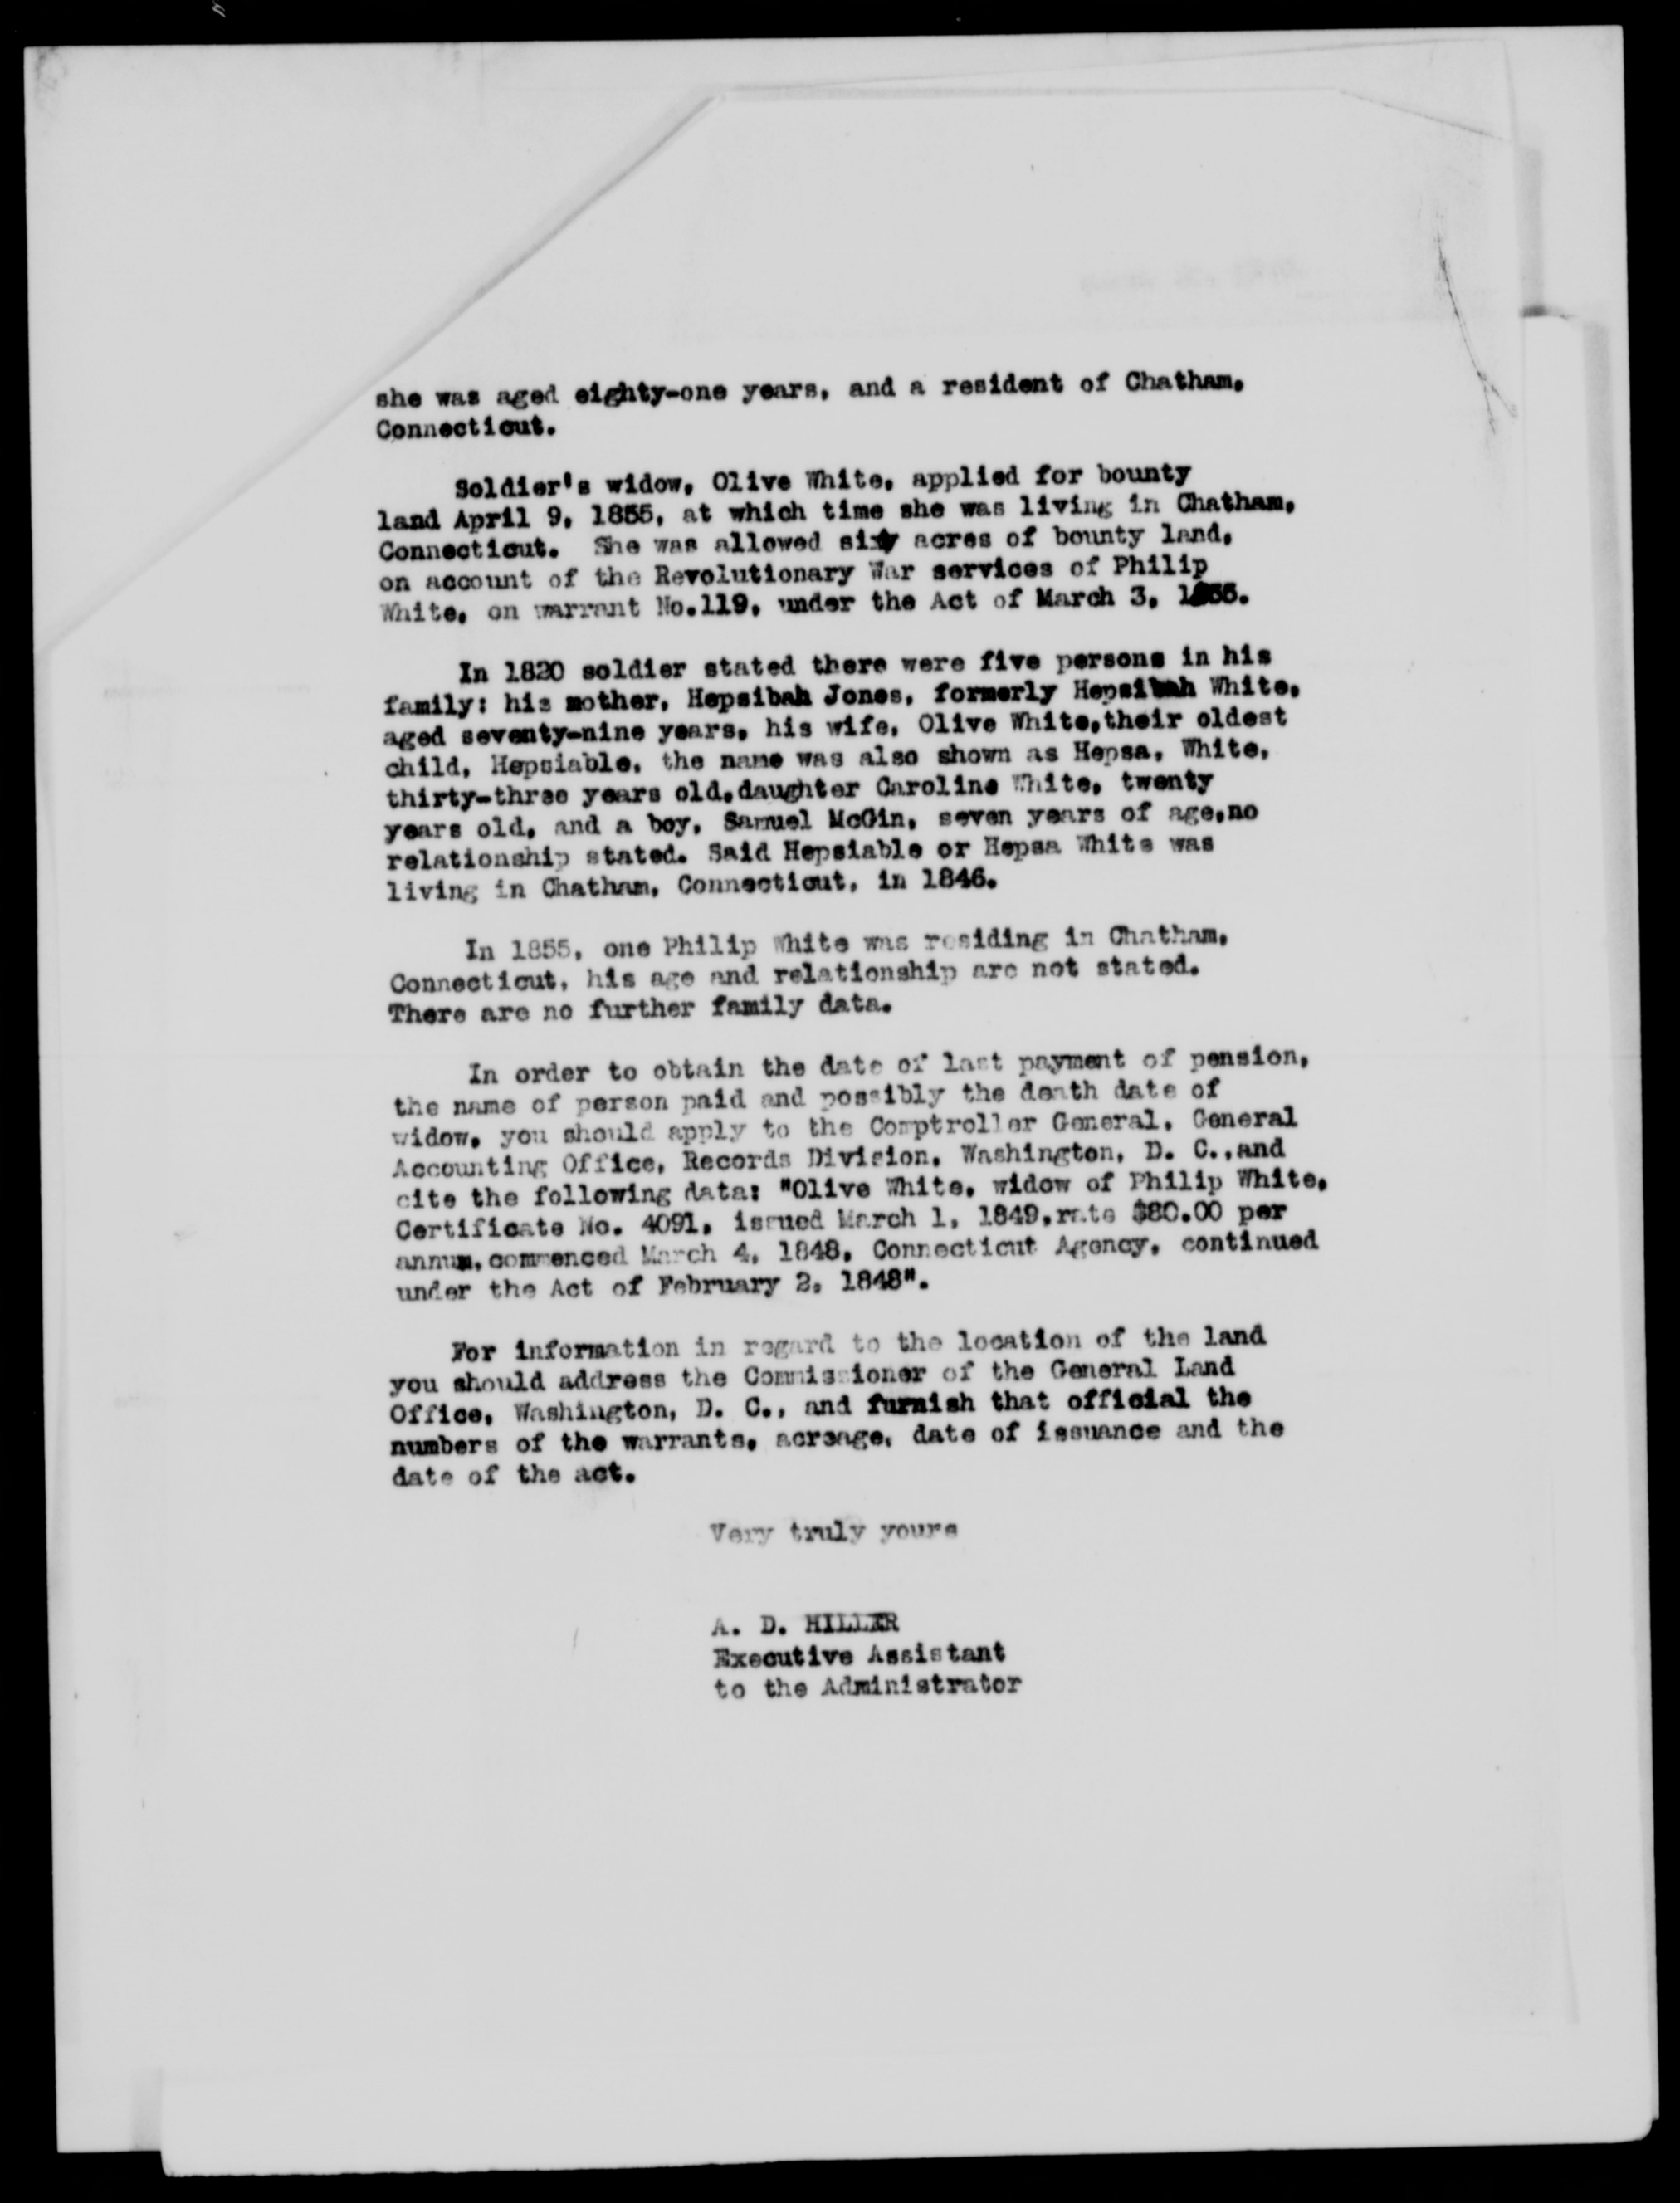she was aged eighty-one years, and a resident of Chatham,
Connecticut.

Soldier's widow, Olive White, applied for bounty
land April 9, 1855, at which time she was living in Chatham,
Connecticut. She was allowed sixty acres of bounty land,
on account of the Revolutionary War services of Philip
White, on warrant No. 119, under the Act of March 3, 1855.

In 1820 soldier stated there were five persons in his
family; his mother, Hepsibah Jones, formerly Hepsibah White,
aged seventy-nine years, his wife, Olive White, their oldest
child, Hepsiable, the name was also shown as Hepsa, White,
thirty-three years old, daughter Caroline White, twenty
years old, and a boy, Samuel McGin, seven years of age, no
relationship stated. Said Hepsiable or Hepsa White was
living in Chatham, Connecticut, in 1846.

In 1855, one Philip White was residing in Chatham.
Connecticut, his age and relationship are not stated.
There are no further family data.

In order to obtain the date of last payment of pension,
the name of person paid and possibly the death date of
widow, you should apply to the Comptroller General, General
Accounting Office, Records Division, Washington, D. C., and
cite the following data: "Olive White, widow of Philip White,
Certificate No. 4091, issued March 1, 1849, rate $80.00 per
annum, commenced March 4, 1848, Connecticut Agency, continued
under the Act of February 2, 1848.

For information in regard to the location of the land
you should address the Commissioner of the General Land
Office, Washington, D. C., and furnish that official the
numbers of the warrants, acreage, date of issuance and the
date of the act.

Very truly yours

A. D. HILLER
Executive Assistant
to the Administrator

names: Philip White, Samuel Mc Gin, Caroline White, Olive White, Hepsibah Jones, Hepsa White, A D Hiller, Hepsiable White, Hepsibah White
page: 31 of 50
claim: widow's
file: W. 25,969, Philip White, Conn.